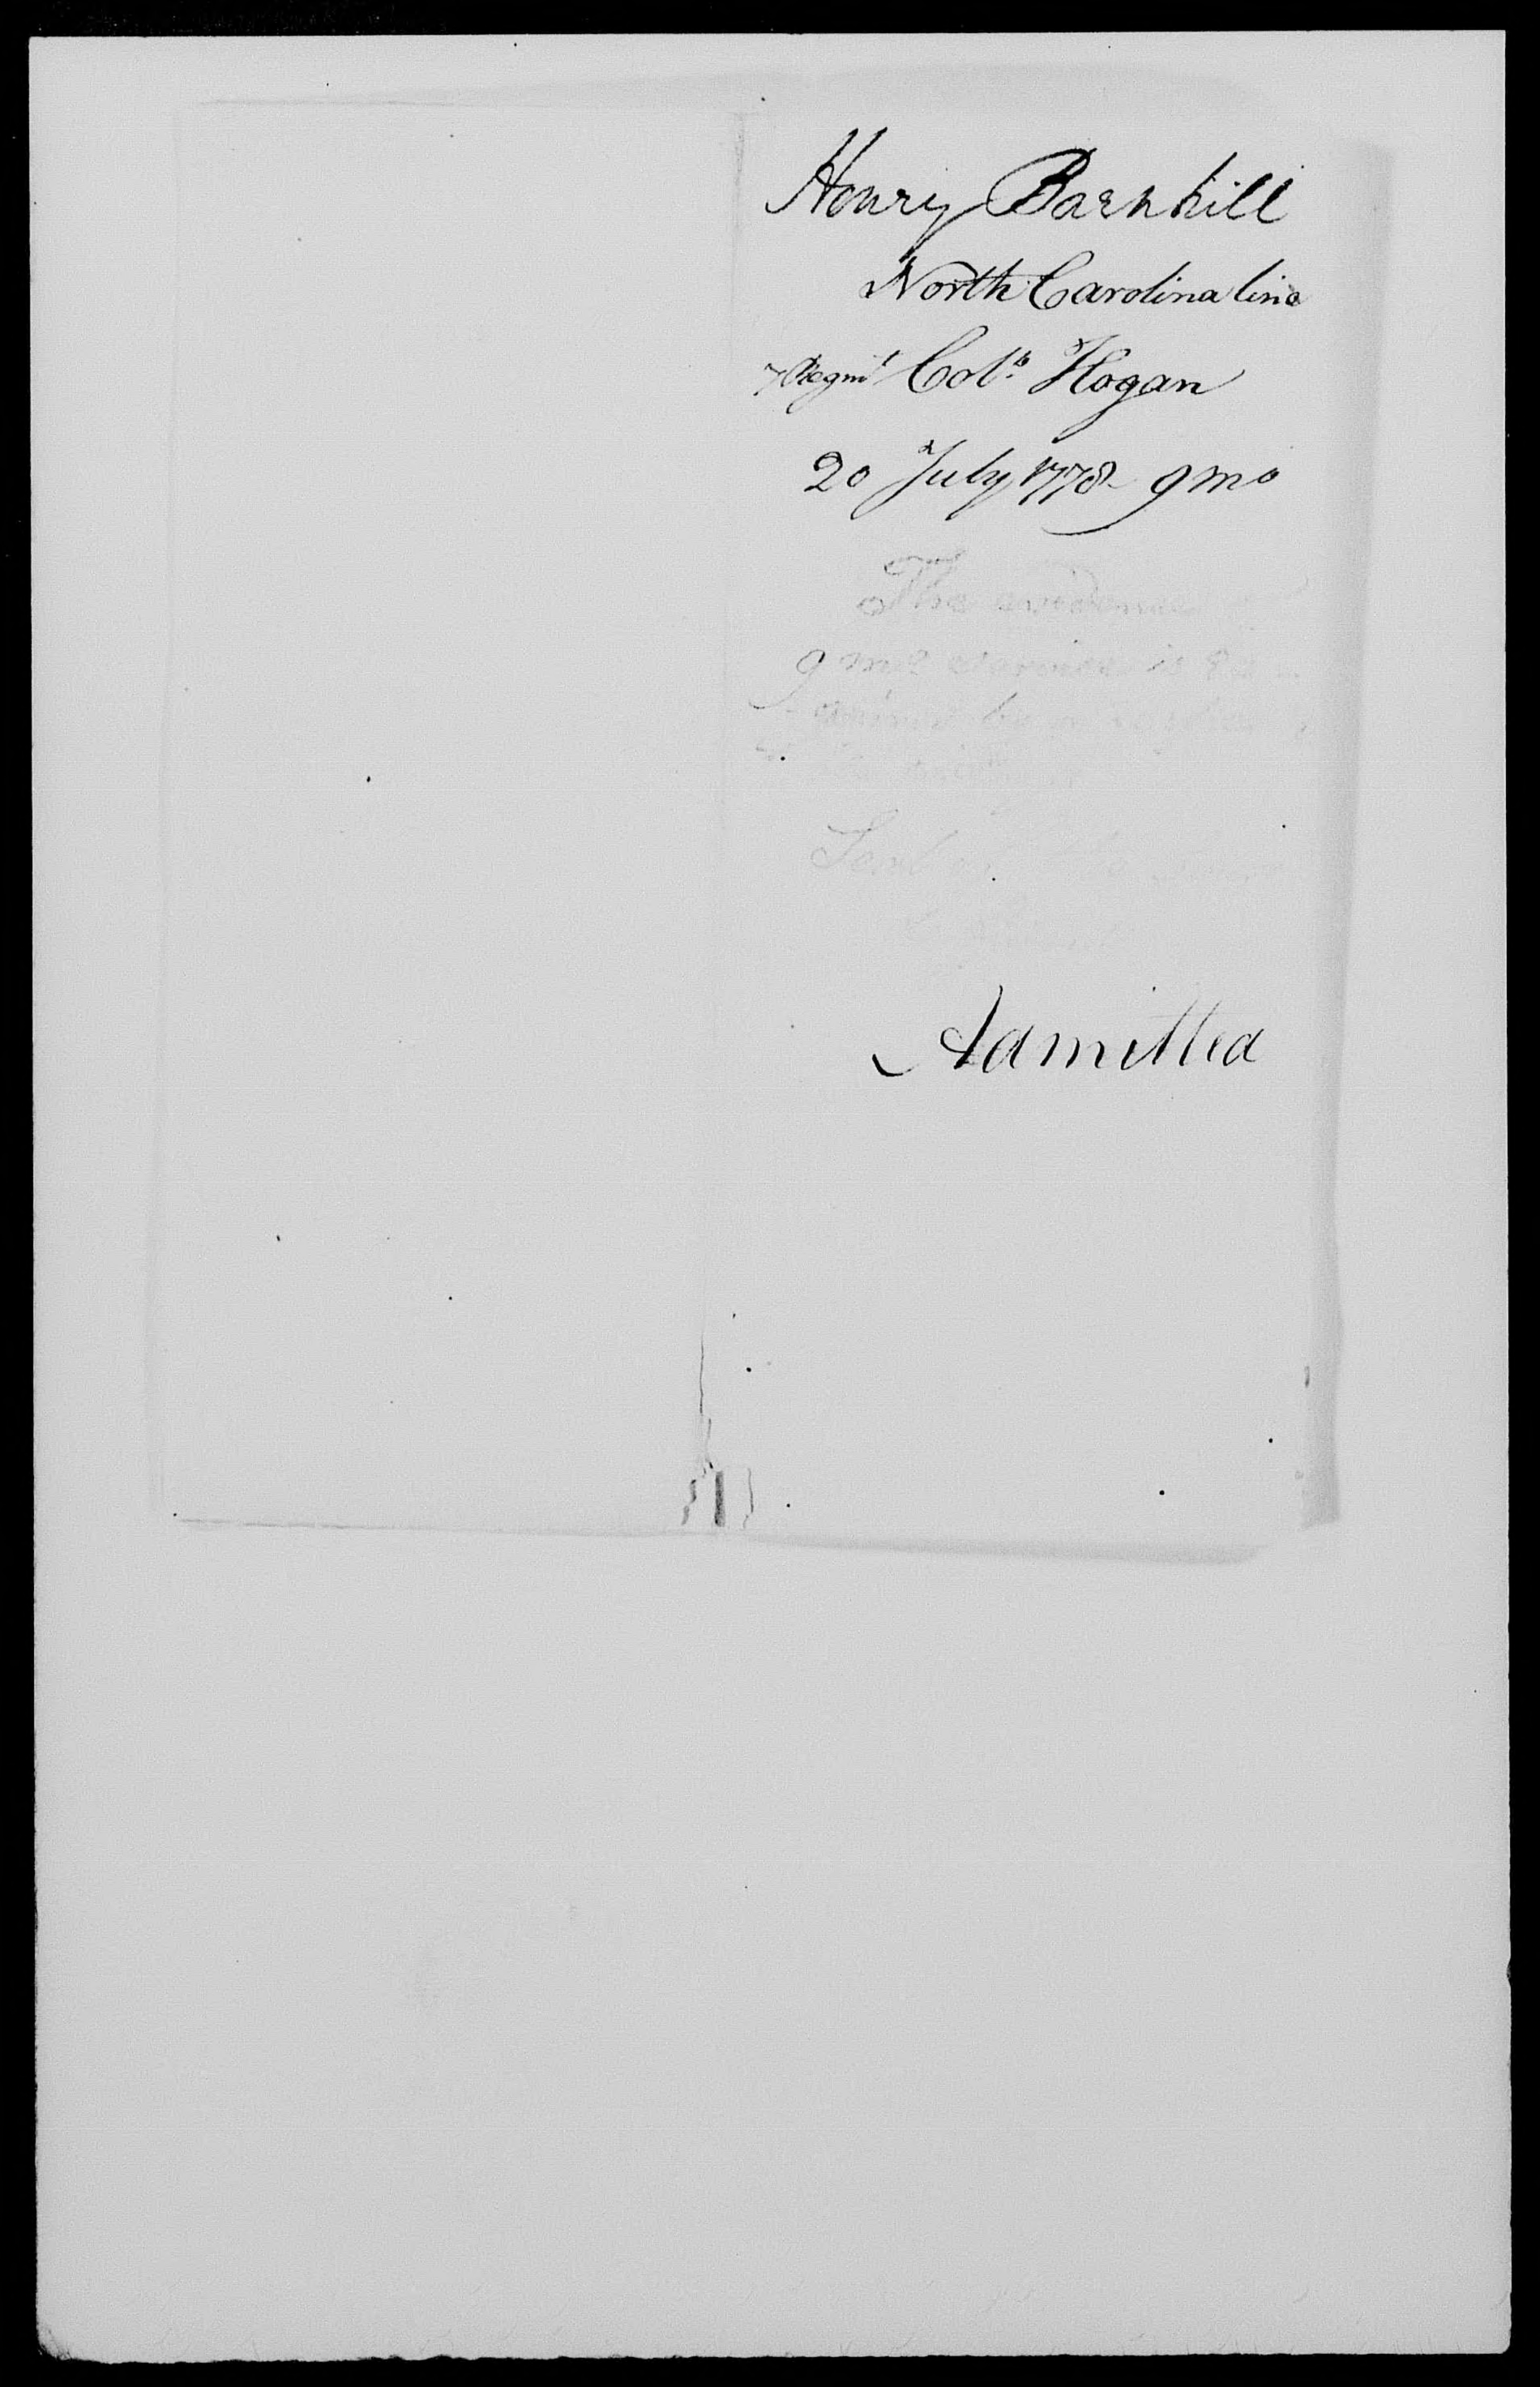Henry Barnhill
North Carolina line
7 Regmt Col. Hogan
20 July 1775 - 9 mo

The evidence of 9 mo service is [illegible]


Admitted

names: Hogan, Henry Barnhill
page: 23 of 42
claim: survivor's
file: S. 6579, Henry Barnhill, N. C.